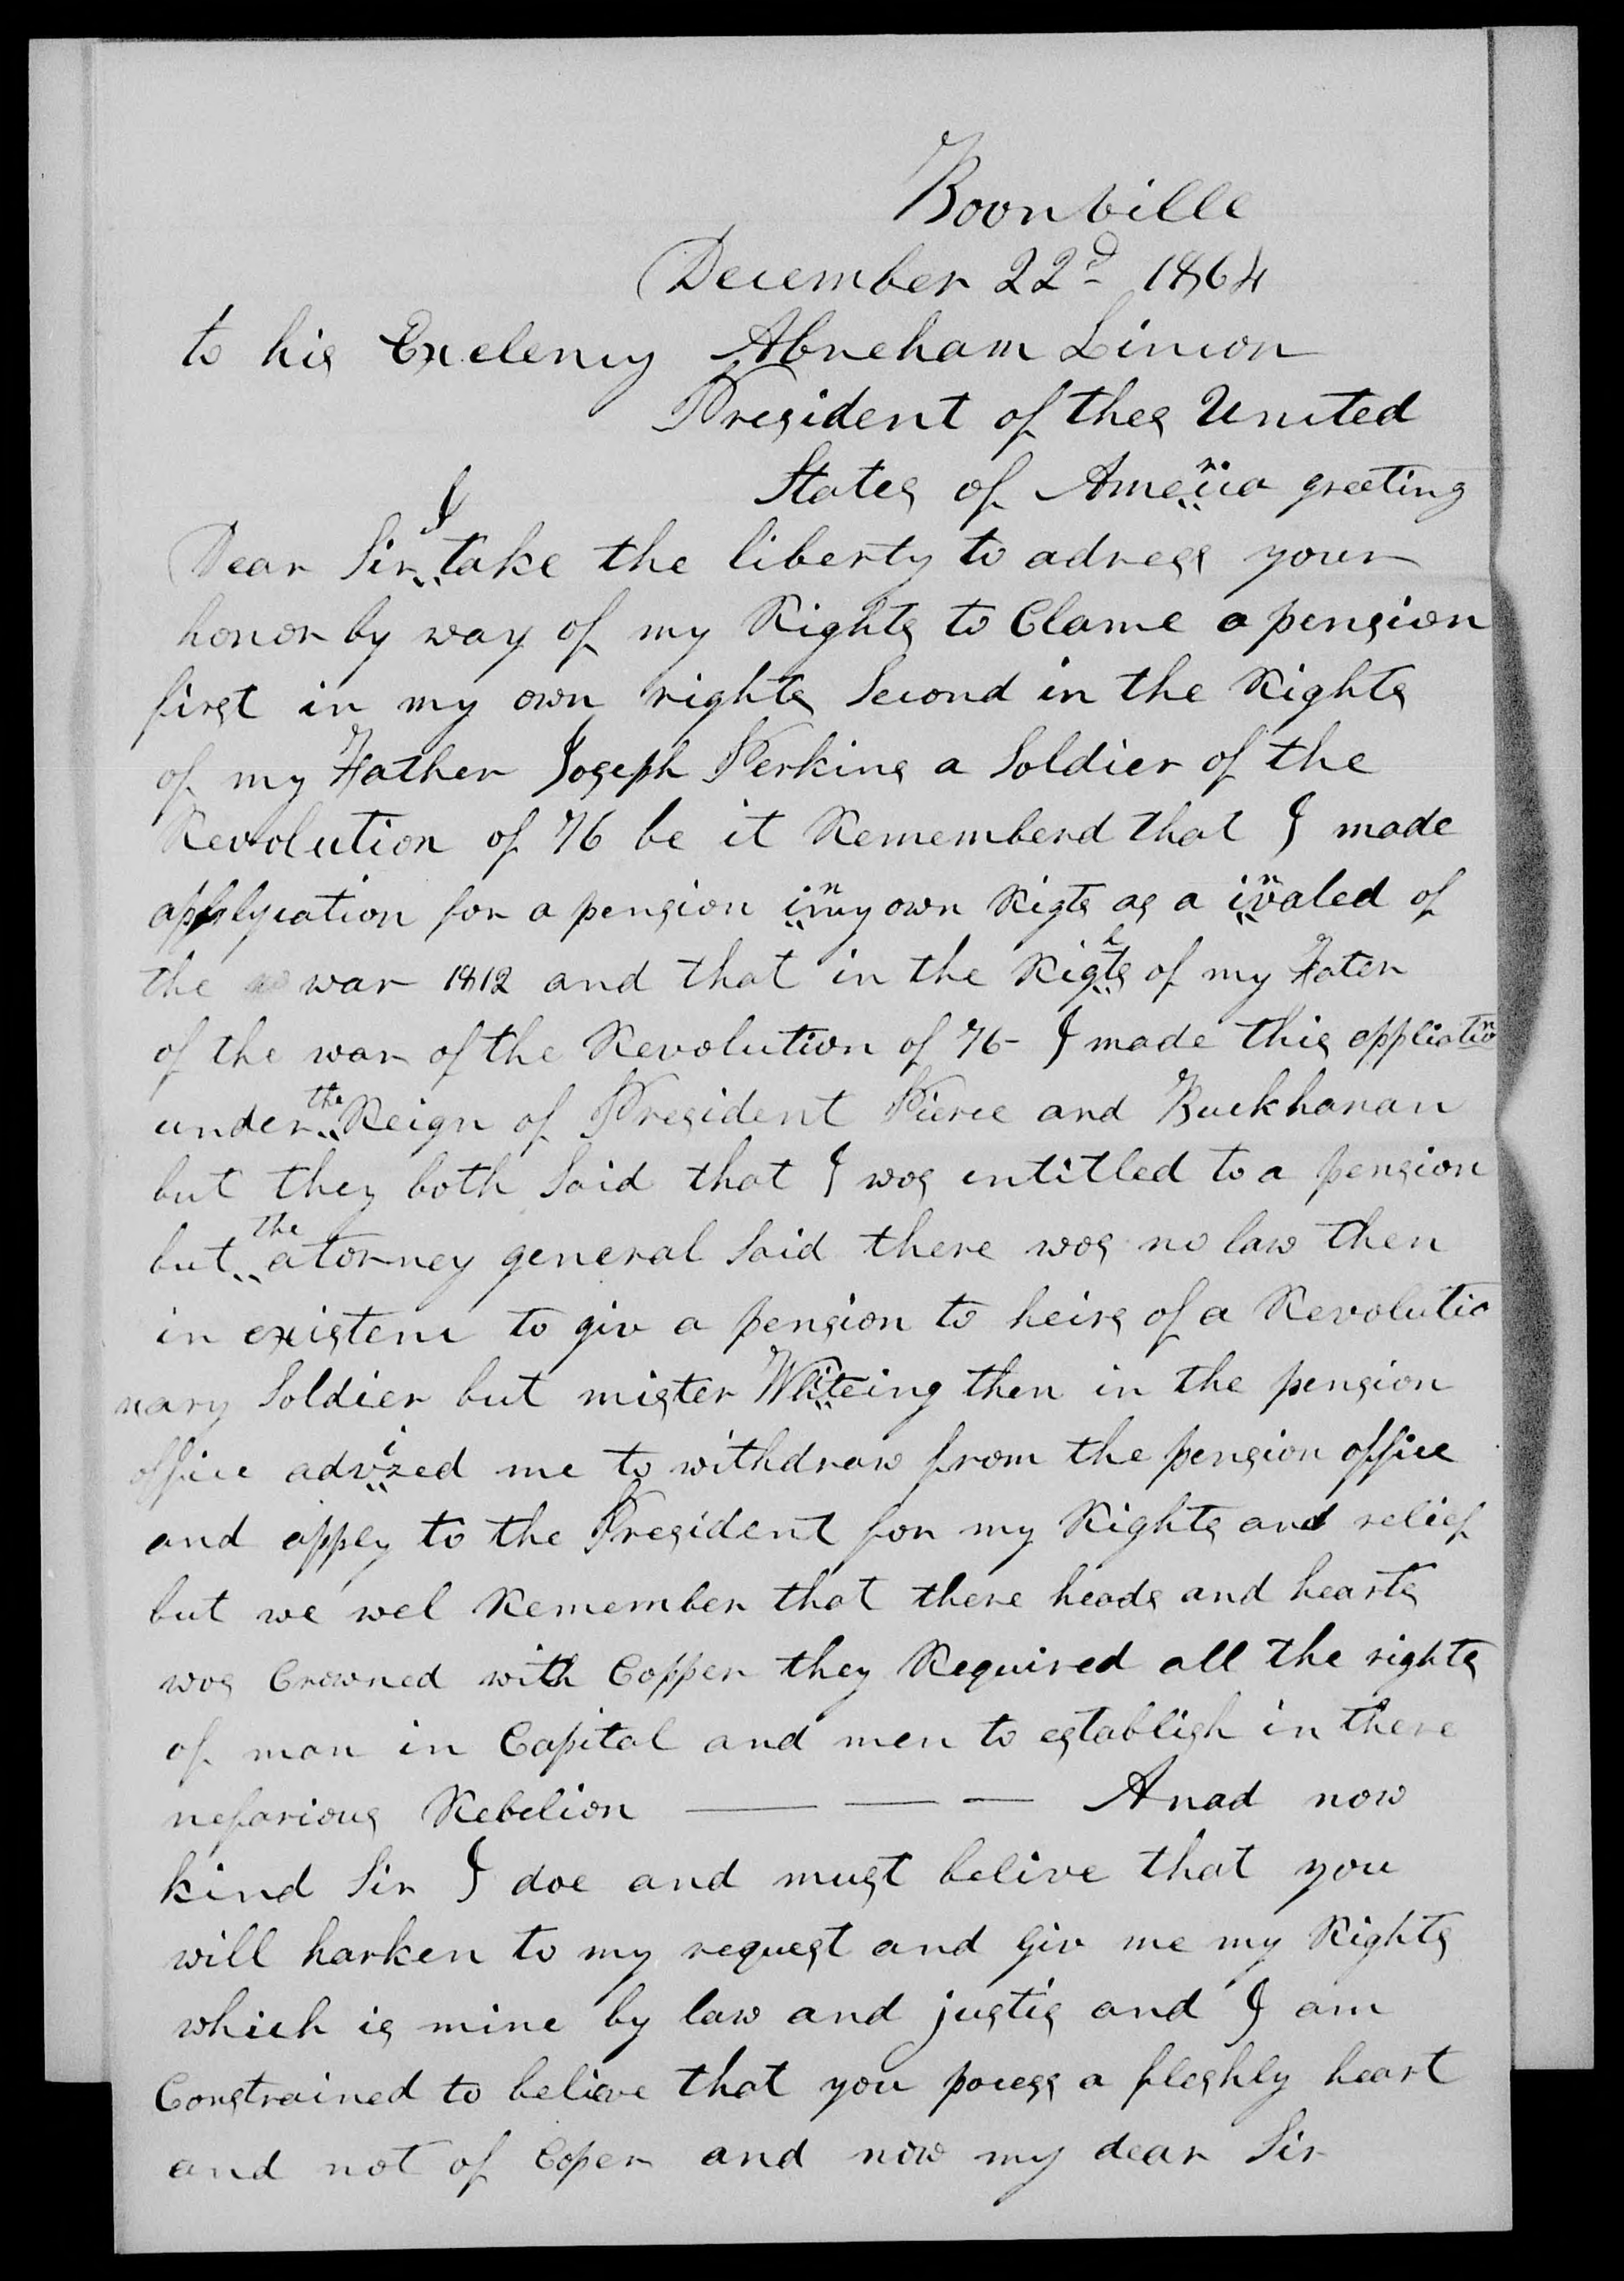Boonville 
December 22d 1864 
to his Exelency Abraham Lincon 
President of the United States of America greeting 
Dear Sir, I take the liberty to adress your honor by way of my Rights to Clame a pension first in my own rights Second in the Rights of my Father Joseph Perkins a Soldier of the Revolution of 76 be it Remembered that I made application for a pension in my own Right as a invaled of the war 1812 and that in the Rights of my Father of the war of the Revolution of 76 - I made this application under the Reign of President Pierce and Buckhanan but they both said that I was entitled to a pension but the atorney general said there was no law then in existence to giv a pension to heirs of a Revolutionary Soldier but mister Whiteing then in the pension office advised me to withdraw from the pension office and apply to the President for my Rights and relief but we wel remember that there heads and hearts was crowned with Copper they Required all the rights of man in Capital and men to establish in there nefarious Rebelion  - Anad now kind sir I doe and must belive that you will harken to my request and giv me my Rights which is mine by law and justice and I am Constrained to believe that you posess a fleshly heart and not of coper and now my dear Sir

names: Abreham Lincon; [BLANK] Buckhanan; Joseph Perkins; [BLANK] Pierce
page: 17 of 44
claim: rejected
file: R. 17,033, for Joseph Perkins, New York